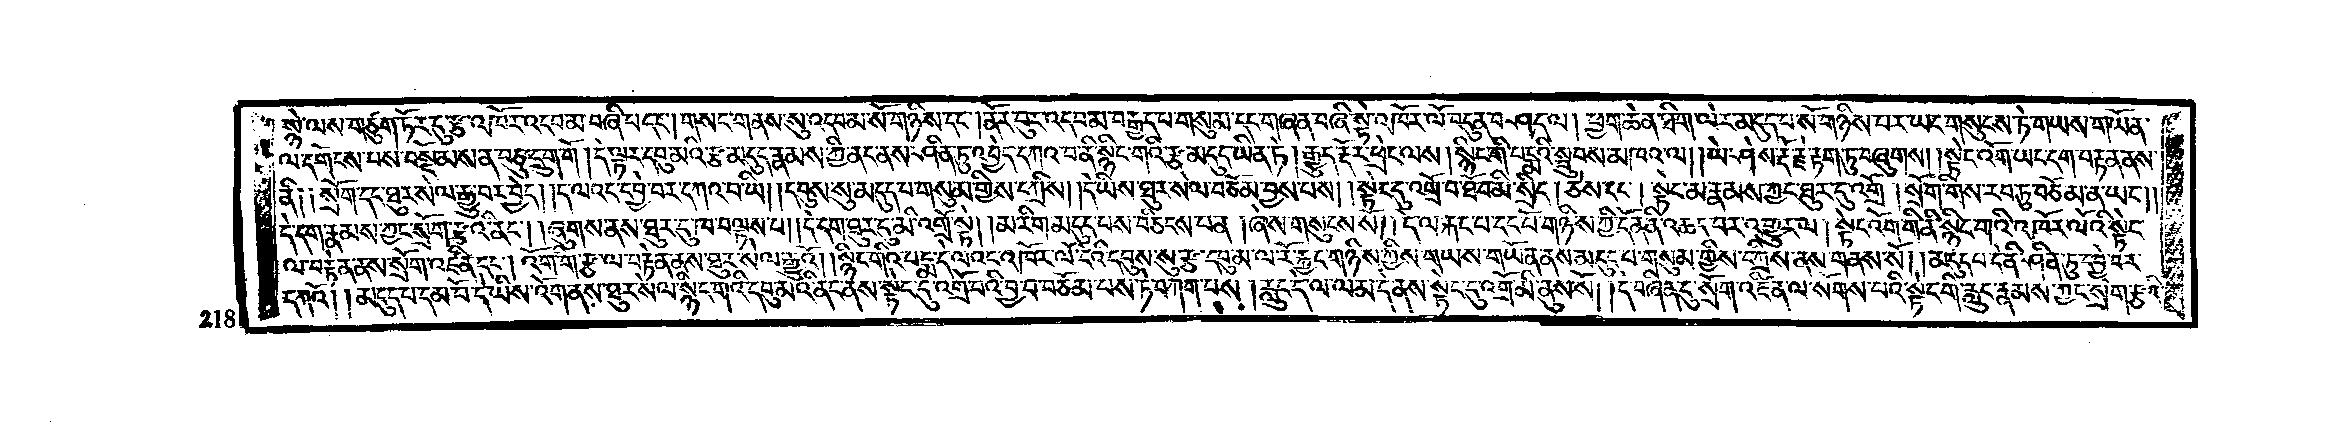སྙེ་ལས་གཙུག་ཏོར་དུ་རྩ་འཁོར་འདབ་མ་བཞི་པ་དང་། གསང་གནས་སུ་འདབ་མ་སོ་གཉིས་དང་། ནོར་བུར་འདབ་མ་བརྒྱད་པ་གསུམ་དང་གཞན་བཞི་སྟེ་འཁོར་ལོ་བདུན་བཤད་ལ། ཕྱག་ཆེན་ཐིག་ལེར་མདུད་པ་སོ་གཉིས་པར་ཡང་གསུངས་ཏེ་གཡས་གཡོན་
ལ་དགོངས་པས་བསྡོམས་ན་བཅུ་དྲུག་གོ །དེ་ལྟར་དབུ་མའི་རྩ་མདུད་རྣམས་ཀྱི་ནང་ནས་ཤིན་ཏུ་འབྱེད་དཀའ་བ་ནི་སྙིང་གའི་རྩ་མདུད་ཡིན་ཏེ། རྒྱུད་རྡོར་ཕྲེང་ལས། སྙིང་གའི་པདམའི་སྦུབས་མཁའ་ལ། །ཡེ་ཤེས་རྡོ་རྗེ་རྟག་ཏུ་བཞུགས། །སྟེང་འོག་ཡང་དག་བརྟན་ནས་
ནི། །སྲོག་དང་ཐུར་སེལ་རྒྱུ་བར་བྱེད། །དེ་ལའང་དབྱེ་བར་དཀའ་བ་ཡི། །དབུས་སུ་མདུད་པ་གསུམ་གྱིས་དཀྲིས། །དེ་ཡིས་ཐུར་སེལ་བཅོམ་བྱས་པས། །སྟེང་དུ་འགྲོ་བ་ཐོབ་མི་སྲིད། ཅེས་དང་། སྟེང་མ་རྣམས་ཀྱང་ཐུར་དུ་འགྲོ་།སྲོག་གིས་རབ་ཏུ་བཅོམ་ན་ཡང་། །
དེ་དག་རྣམས་ཀྱང་སྲོག་རྩའི་ནང་། །ཞུགས་ནས་ཐུར་དུ་ཁ་བལྟས་པ། །དེ་དག་ཐུར་དུ་མི་འགྲོ་སྟེ། །མ་རིག་མདུད་པས་བཅིངས་པ་ན། ཞེས་གསུངས་སོ། །དེ་ལ་རྐང་པ་དང་པོ་གཉིས་ཀྱི་དོན་ནི་འཆད་པར་འགྱུར་ལ། སྟེང་འོག་གི་ནི་སྙིང་གའི་འཁོར་ལོའི་སྟེང་
ལ་བརྟེན་ནས་སྲོག་འཛིན་དང་། འོག་གི་རྩ་ལ་བརྟེན་ནས་ཐུར་སེལ་རྒྱུའོ། །སྙིང་གའི་པདམ་དེ་ལའང་འཁོར་ལོ་དེའི་དབུས་སུ་རྩ་དབུ་མ་ལ་རོ་རྐྱང་གཉིས་ཀྱིས་གཡས་གཡོན་ནས་མདུད་པ་གསུམ་གྱིས་དཀྲིས་ནས་གནས་སོ། །མདུད་པ་དེ་ནི་ཤིན་ཏུ་དབྱེ་བར་
དཀའོ། །མདུད་པ་དམ་པོ་དེ་ཡིས་འོག་ནས་ཐུར་སེལ་སྙིང་གའི་དབུ་མའི་ནང་ནས་སྟེང་དུ་འགྲོ་བའི་བྱ་བ་བཅོམ་པས་ཏེ་བཀག་པས། རླུང་དེ་ལ་ལམ་དེ་ནས་སྟེང་དུ་འགྲོ་མི་ནུས་སོ། །དེ་བཞིན་དུ་སྲོག་འཛིན་ལ་སོགས་པའི་སྟེང་གི་རླུང་རྣམས་ཀྱང་སྲོག་རྩའི་